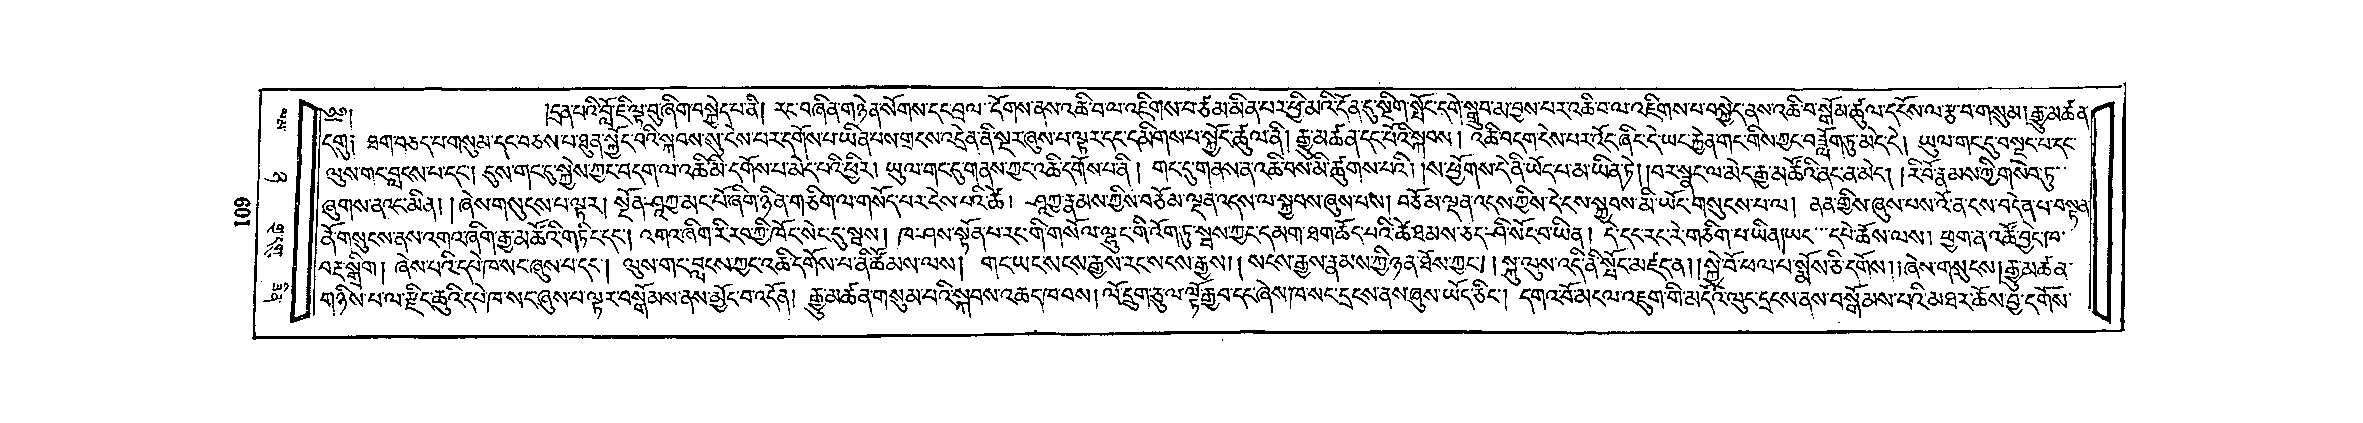༄༅། །དྲན་པའི་བློ་ཇི་ལྟ་བུ་ཞིག་བསྐྱེད་པ་ནི། རང་བཞིན་གཉེན་སོགས་དང་བྲལ་དོགས་ནས་འཆི་བ་ལ་འཇིགས་པ་ཙམ་མིན་པར་ཕྱི་མའི་དོན་དུ་སྡིག་སྤོང་དགེ་སྒྲུབ་མ་བྱས་པར་འཆི་བ་ལ་འཇིགས་པ་བསྐྱེད་ནས་འཆི་བ་སྒོམ་ཚུལ་དངོས་ལ་རྩ་བ་གསུམ། རྒྱུ་མཚན་
དགུ །ཐག་བཅད་པ་གསུམ་དང་བཅས་པ་ཐུན་སྐྱོང་བའི་སྐབས་སུ་ངེས་པར་དགོས་པ་ཡིན་པས་གྲངས་འདྲེན་ནི་སྔར་ཞུས་པ་ལྟར་དང་དམིགས་པ་སྐྱོང་ཚུལ་ནི། རྒྱུ་མཚན་དང་པོའི་སྐབས། འཆི་བདག་ངེས་པར་འོང་ཞིང་དེ་ཡང་རྐྱེན་གང་གིས་ཀྱང་བཟློག་ཏུ་མེད་དེ། ཡུལ་གང་དུ་བསྡད་པ་དང་
ལུས་གང་བླངས་པ་དང་། དུས་གང་དུ་སྐྱེས་ཀྱང་བདག་ལ་འཆི་མི་དགོས་པ་མེད་པའི་ཕྱིར། ཡུལ་གང་དུ་གནས་ཀྱང་འཆི་དགོས་པ་ནི། གང་དུ་གནས་ན་འཆི་བས་མི་ཚུགས་པའི། །ས་ཕྱོགས་དེ་ནི་ཡོད་པ་མ་ཡིན་ཏེ། །བར་སྣང་ལ་མེད་རྒྱ་མཚོའི་ནང་ན་མེད། །རི་བོ་རྣམས་ཀྱི་གསེབ་ཏུ་
ཞུགས་ནའང་མིན། །ཞེས་གསུངས་པ་ལྟར། སྔོན་ཤཱཀྱ་མང་པོ་ཞིག་ཉིན་གཅིག་ལ་གསོད་པར་ངེས་པའི་ཚེ། ཤཱཀྱ་རྣམས་ཀྱིས་བཅོམ་ལྡན་འདས་ལ་སྐྱབས་ཞུས་པས། བཅོམ་ལྡན་འདས་ཀྱིས་དེ་ངས་སྐྱབས་མི་ཡོང་གསུངས་པ་ལ། ནན་གྱིས་ཞུས་པས་འོ་ན་ངས་བདེན་པ་བསྟན་
ནོ་གསུངས་ནས་འགའ་ཞིག་རྒྱ་མཚོའི་གཏིང་དང་། འགའ་ཞིག་རི་རབ་ཀྱི་ཁོང་སེང་དུ་སྦས། ཁ་ཤས་སྟོན་པ་རང་གི་གསོལ་ལྷུང་གི་འོག་ཏུ་སྦས་ཀྱང་དམག་ཐག་ཆོད་པའི་ཚེ་ཐམས་ཅད་ཤི་སོང་བ་ཡིན། དེ་དང་རང་རེ་གཅིག་པ་ཡིན། ཡང་དཔེ་ཆོས་ལས། ཕྱག་ན་འཚོ་བྱེད་ཁ་
བརྡ་སྒྲིག །ཞེས་པའི་དཔེ་ཁ་སང་ཞུས་པ་དང་། ལུས་གང་བླངས་ཀྱང་འཆི་དགོས་པ་ནི་ཚོམས་ལས། གང་ཡང་སངས་རྒྱས་རང་སངས་རྒྱས། །སངས་རྒྱས་རྣམས་ཀྱི་ཉན་ཐོས་ཀྱང་། །སྐུ་ལུས་འདི་ནི་སྤོང་མཛད་ན། །སྐྱེ་བོ་ཕལ་པ་སྨོས་ཅི་དགོས། །ཞེས་གསུངས། རྒྱུ་མཚན་
གཉིས་པ་ལ་རྫིང་ཆུའི་དཔེ་ཁ་སང་ཞུས་པ་ལྟར་བསྒོམས་ནས་མྱོང་བ་འདོན། རྒྱུ་མཚན་གསུམ་པའི་སྐབས་འཆད་ཁ་བས། ལོ་དྲུག་ཅུ་ལ་ལྟོ་རྒྱབ་དང་ཞེས་ཁ་སང་དྲངས་ནས་ཞུས་ཡོད་ཅིང་། དགའ་བོ་མངལ་འཇུག་གི་མདོའི་ལུང་དྲངས་ནས་བསྒོམས་པའི་མཐར་ཆོས་བྱ་དགོས་